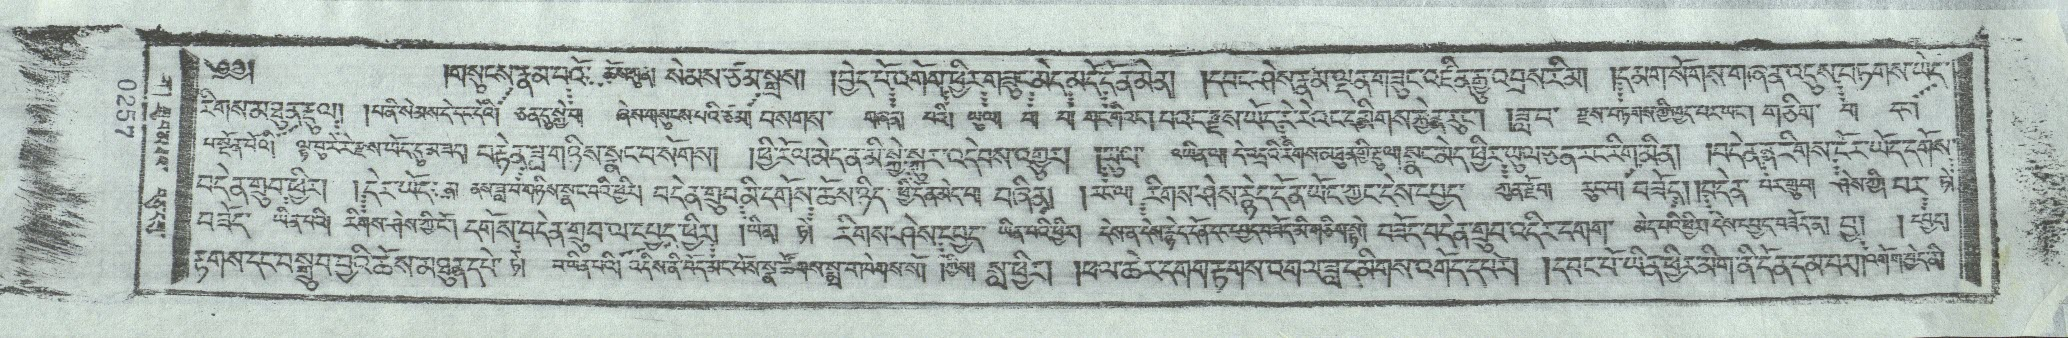༄༅། །གསུངས་རྣམ་པའོ་ཆོས་ཀུན་སེམས་ཙམ་སྒྲས། །བྱེད་འོ་འགོག་ཕྱིར་གཟུང་མེད་མདོ་དོན་མེད། །དབང་ཤེས་རྣམ་ལྡན་གཟུང་འཛིན་རྒྱུ་འབྲས་རི། །དམག་སོགས་གཞན་འདུས་བཏགས་ཡེང་
རིགས་མཐུན་རྡུལ། །པ་ནི་སེམས་དེ་དང་དེའི། ཅན་དུ་སྐྱེ་བ། ཞེས་གསུངས་པའི་ཙམ། བསགས་གཞན། པའི། སུལ། པ། པ། གང་གིའང་། པའང་རྫས་ཡོང་རེ་རེའང་དམིགས་རྐྱེན་རུང་། །ཟླ་བ་རྫས་ས་བཏགས་ཀྱི་ཁྱད་པར་ཡང་། གཅིག་པ། བལ་
པ་སྔོན་པོའི། ལྟ་བུ་རེ་རེ་རྫས་ཡོང་དུ་མ་ཟད། བརྟེན་ཟླ་གཉིས་སྣང་བ་སོགས། །ཕྱི་རོལ་མེད་ན་མི་སྐྱེ་སྒུར་འདེབས་འགྱུར། །ཡུལ་ཡིན་ལ། དེ་འདྲའི་རིགས་མཐུན་གྱི་རྡུལ། སྣང་མེད་ཕྱིར་ཡུལ་ཅན་རང་རིག་མིན། །བདེན་ན་རིགས་དོར་ཡོར་དགོས་
བདེན་གྲུབ་ཕྱིར། །དེར་ཡོད་མ་ནས་ཟླ་བ་གཉིས་སྣང་བའི་ཕྱིར། །བདེན་གྲུབ་མི་དགོས་ཆོས་ཉིད་ཕྱི་ངན་མེད་པ། བཞིན། །རང་ལ། རིགས་ཤེས་རྙེད་དོན་ཡོང་ཀྱང་ངེས་དཔྱད་གན་རྫོབ། རུང་བ། བཟོད། བདེན་པར་གྲུབ། ཤེས་ཀྱི། བར་ཆེ?
བཟོད་ཡིན་པའི། རིགས་ཤེས་ཀྱི་ངོ། དགོས་བདེན་གྲུབ་ལ་དཔྱད་ཕྱིར། །ཡིན། ཏེ། རིགས་ཤེས་དབྱད་ཡིན་པའི་ཕྱིར། དེས་ན་དེས་རྙེད་དོན་དང་དབྱང་བཟོད་མི་གཅིག། བཟོད་བདེན་གྲུབ་འདིར་དགག་མེད་པའི་ཕྱིར། ངས་དཔྱད་བཟོད་ན། བྱ། བསྲུང?།
རྟགས་དང་བསྒྲུབ་བྱའི་ཆོས་མཐུན་དཔེ་ཏེ། པ་ཡིན་པའི། འདིས་ནི་བོད་མང་པོས་སྣ་ཚོགས་སྨྲ་བ་ཁེགས་སོ། །ཀྱིས། སླ་ཕྱིར། །ཕལ་ཆེར་དགག་རྟགས་འགལ་ཟླ་དམིགས་འགོད་དཔེར། །དབང་པོ་ཡིན་ཕྱིར་མིན་ནི་དོན་དམ་བར། །འགོག་བྱེད་ནི།